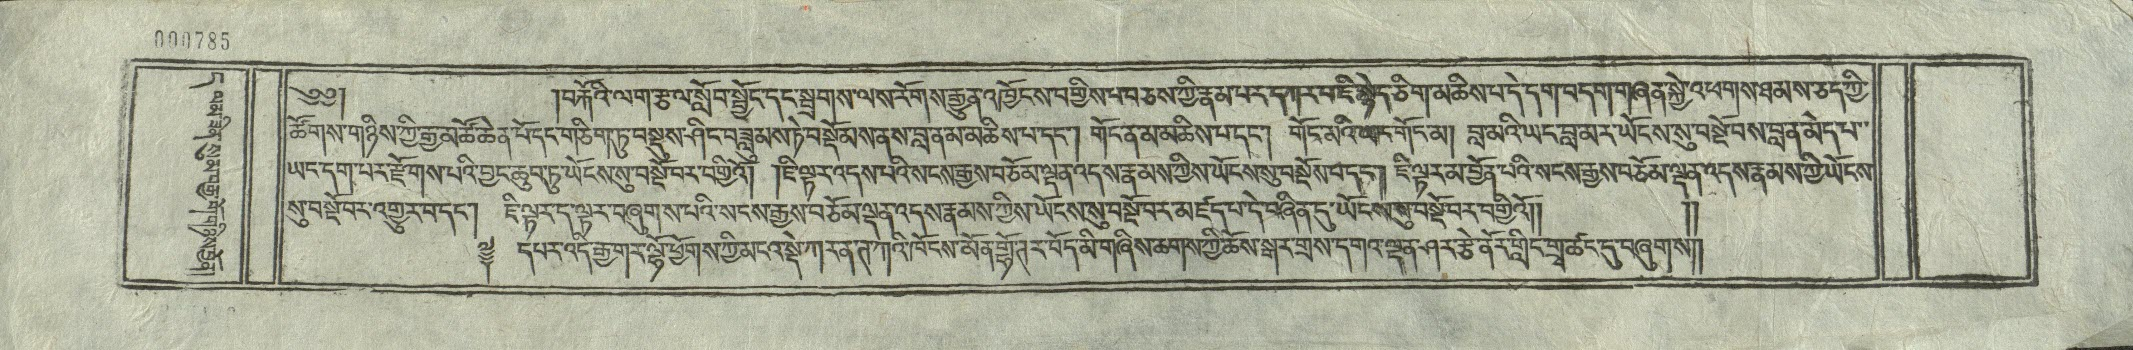༄༅། །བརྐོའི་ལག་རྩལ་སློབ་སྦྱོང་དང་སྦྲགས་ལས་རོགས་རྒྱུན་འཁྱོངས་བགྱིས་པ་བཅས་ཀྱི་རྣམ་པར་དཀར་བ་ཇི་སྙེད་ཅིག་མཆིས་པ་དེ་དག་བདག་གཞན་སྐྱེ་འཕགས་ཐམས་ཅད་ཀྱི་
ཚོགས་གཉིས་ཀྱི་རྒྱ་མཚོ་ཆེན་པོ་དང་གཅིག་ཏུ་བསྡུས་ཤིང་བཟླུམས་ཏེ་བསྡོམས་ནས་བླ་ན་མ་མཆིས་པ་དང་། གོང་ན་མ་མཆིས་པ་དང་། གོང་མའི་ཡང་གོང་མ། བླ་མའི་ཡང་བླ་མར་ཡོངས་སུ་བསྔོ་བས་བླ་ན་མེད་པ་
ཡང་དག་པར་རྫོགས་པའི་བྱང་ཆུབ་ཏུ་ཡོངས་སུ་བསྔོ་བར་བགྱིའོ། །ཇི་ལྟར་འདས་པའི་སངས་རྒྱས་བཅོམ་ལྡན་འདས་རྣམས་ཀྱིས་ཡོངས་སུ་བསྔོས་པ་དང་། ཇི་ལྟར་མ་བྱོན་པའི་སངས་རྒྱས་བཅོམ་ལྡན་འདས་རྣམས་ཀྱི་ཡོངས་
སུ་བསྔོ་བར་འགྱུར་བ་དང་། ཇི་ལྟར་ད་ལྟར་བཞུགས་པའི་སངས་རྒྱས་བཅོམ་ལྡན་འདས་རྣམས་ཀྱིས་ཡོངས་སུ་བསྔོ་བར་མཛད་པ་དེ་བཞིན་དུ་ཡོངས་སུ་བསྔོ་བར་བགྱིའོ།། །།
༈ དཔར་འདི་རྒྱ་གར་ལྷོ་ཕྱོགས་ཀྱི་མངའ་སྡེ་ཀར་ན་ཊ་ཀའི་ཁོངས་མོན་གྷོ་ཊར་བོད་མི་གཞིས་ཆགས་ཀྱི་ཆོས་སྒར་གྲས་དགའ་ལྡན་ཤར་རྩེ་ནོར་གླིང་གྲྭ་ཚང་དུ་བཞུགས།།